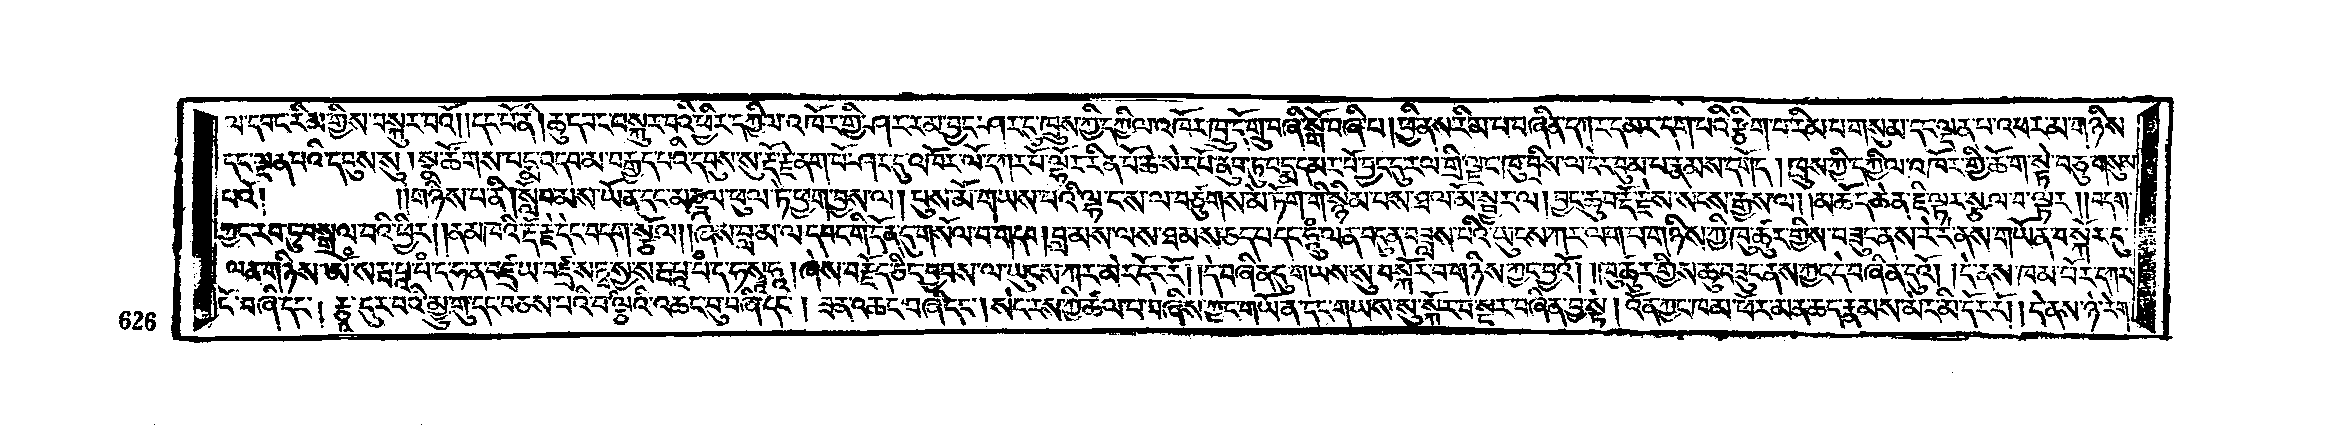ལ་དབང་རིམ་གྱིས་བསྐུར་བའོ། །དང་པོ་ནི། ཆུ་དབང་བསྐུར་བའི་ཕྱིར་དཀྱིལ་འཁོར་གྱི་ཤར་རམ་བྱང་ཤར་དུ་ཁྲུས་ཀྱི་དཀྱིལ་འཁོར་ཁྲུ་དོ་གྲུ་བཞི་སྒོ་བཞི་པ། ཕྱི་ནས་རིམ་པ་བཞིན་དཀར་དམར་ནག་པའི་རྩིག་པ་རིམ་པ་གསུམ་དང་ལྡན་པ་འཕར་མ་གཉིས་
དང་ལྡན་པའི་དབུས་སུ། སྣ་ཚོགས་པདམ་འདབ་མ་བརྒྱད་པའི་དབུས་སུ་རྡོ་རྗེ་ནག་པོ་ཤར་དུ་འཁོར་ལོ་དཀར་པོ་ལྷོར་རིན་པོ་ཆེ་སེར་པོ་ནུབ་ཏུ་པདམ་དམར་པོ་བྱང་དུ་རལ་གྲི་ལྗང་ཁུ་བྲིས་ལ་དེར་བུམ་པ་རྣམས་དགོད། ཁྲུས་ཀྱི་དཀྱིལ་འཁོར་གྱི་ཆོ་ག་སྟེ་བཅུ་གསུམ་
པའོ། །།གཉིས་པ་ནི། སློབ་མས་ཡོན་དང་མཎྜལ་ཕུལ་ཏེ་ཕྱག་བྱས་ལ། པུས་མོ་གཡས་པའི་ལྷ་ང་ས་ལ་བཙུགས་མེ་ཏོག་གི་སྙིམ་པས་ཐལ་མོ་སྦྱར་ལ། བྱང་ཆུབ་རྡོ་རྗེས་སངས་རྒྱས་ལ། །མཆོད་ཆེན་ཇི་ལྟར་སྩལ་བ་ལྟར། །བདག་
ཀྱང་རབ་ཏུ་བསྒྲལ་བའི་ཕྱིར། །ནམ་མཁའི་རྡོ་རྗེ་དེང་བདག་སྩོལ། །ཞེས་བླ་མ་ལ་དབང་གི་དོན་དུ་གསོལ་བ་གདབ། བླ་མས་ལས་ཐམས་ཅད་པ་དང་ཧཱུཾ་ལན་བདུན་བཟླས་པའི་ཡུངས་ཀར་ལག་པ་གཉིས་ཀྱི་ཁུ་ཚུར་གྱིས་བཟུང་ནས་རེ་རེ་ནས་གཡོན་བསྐོར་དུ་
ལན་གཉིས་ཨོཾ་སརྦ་པཱ་པཾ་ད་ཧ་ན་བཛྲ་ཡ་བཛྲ་སཏྭ་སྱ་སརྦ་པཱ་པཾ་ད་ཧ་སྭཱ་ཧཱ། ཞེས་བརྗོད་ཅིང་བྱབས་ལ་ཡུངས་ཀར་མེར་དོར་རོ། །དེ་བཞིན་དུ་གཡས་སུ་བསྐོར་བ་གཉིས་ཀྱང་བྱའོ། །ཁུ་ཚུར་གྱིས་ཆུ་བཟུང་ནས་ཀྱང་དེ་བཞིན་དུའོ། །དེ་ནས་ཁམ་ཕོར་དཀར་
པོ་བཞི་དང་། རྩྭ་དུར་བའི་མྱུ་གུ་དང་བཅས་པའི་བ་ལྕིའི་འཆང་བུ་བཞི་དང་། ཟན་འཆང་བཞི་དང་། སེང་རས་ཀྱི་ཚལ་པ་བཞིས་ཀྱང་གཡོན་དང་གཡས་སུ་སྐོར་བ་སྔར་བཞིན་བྱ་སྟེ། འོན་ཀྱང་ཁམ་ཕོར་མན་ཆད་རྣམས་མེར་མི་དོར་རོ། །དེ་ནས་ཉེ་རེག་